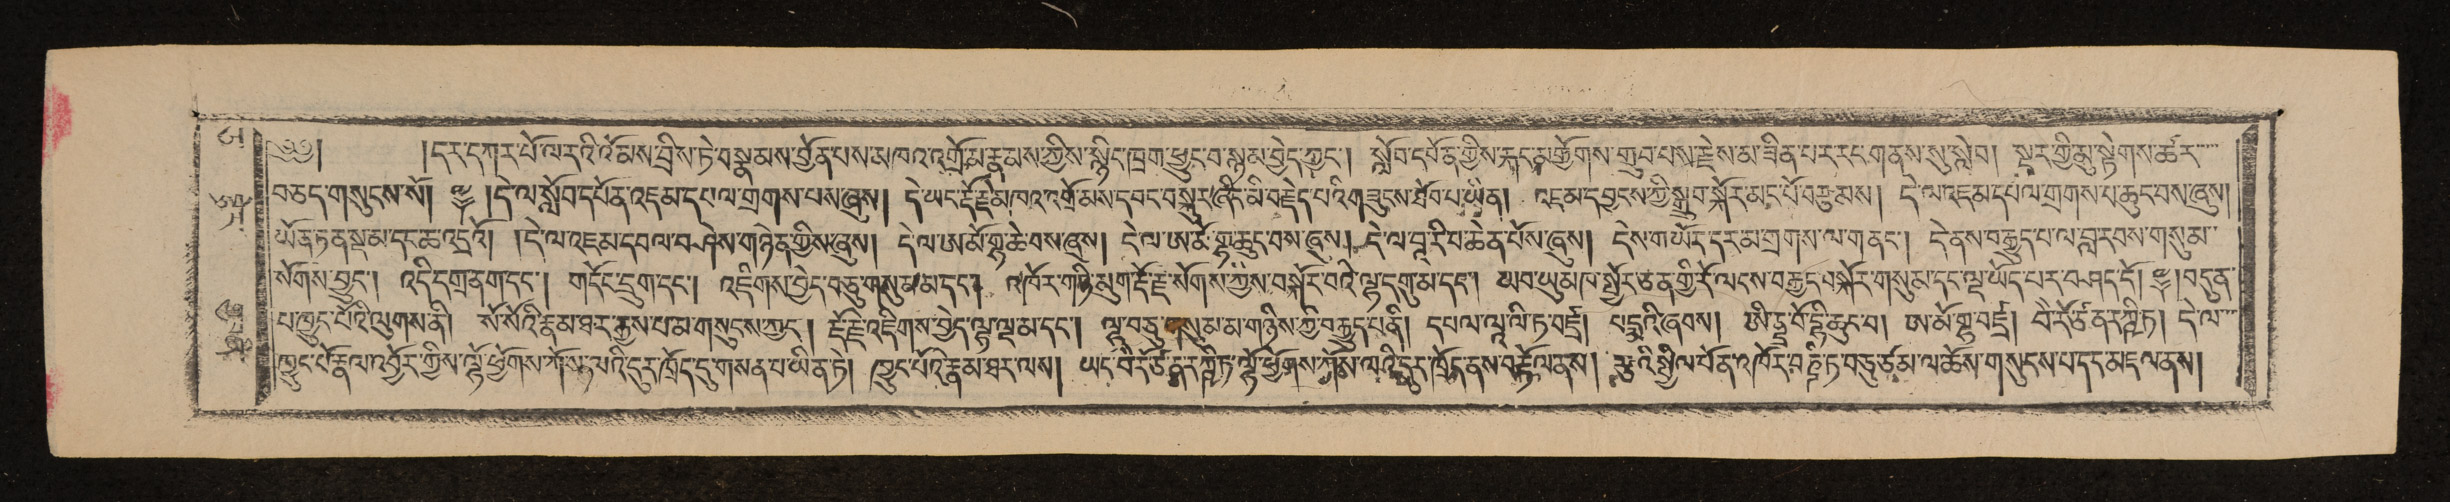༄༅། །དར་དཀར་པོ་ལ་རའི་འོ་མས་བྲིས་ཏེ་བསྣམས་བྱོན་པས་མཁའ་འགྲོ་མ་རྣམས་ཀྱིས་སྙིང་ཁྲག་ཕྱུང་བ་སྙམ་བྱེད་ཀྱང་། སློབ་དཔོན་གྱིས་རྐང་མགྱོགས་གྲུབ་པས་རྗེས་མ་ཟིན་པར་རང་གནས་སུ་སླེབ། སྔར་གྱི་མུ་སྟེགས་ཚར་
བཅད་གསུངས་སོ། ༈ །དེ་ལ་སློབ་དཔོན་འཇམ་དཔལ་གྲགས་པས་ཞུས། དེ་ཡང་རྡོ་རྗེ་མཁའ་འགྲོ་མས་དབང་བསྐུར་ཞིང་མི་བརྗེད་པའི་གཟུངས་ཐོབ་པ་ཡིན། འཇམ་དབྱངས་ཀྱི་སྒྲུབ་སྐོར་མང་པོ་བརྩམས། དེ་ལ་འཇམ་དཔལ་གྲགས་པ་ཆུང་བས་ཞུས།
ཡོན་ཏན་སྔམ་དང་ཆ་འདྲའོ། །དེ་ལ་འཇམ་དཔལ་བཤེས་གཉེན་གྱིས་ཞུས། དེ་ལ་ཨ་མོ་གྷ་ཆེ་བས་ཞུས། དེ་ལ་ཨ་མོ་གྷ་ཆུང་བས་ཞུས། དེ་ལ་བཱ་རི་བ་ཆེན་པོས་ཞུས། དེས་གཡོར་དར་མ་གྲགས་ལ་གནང་། དེ་ནས་བརྒྱུད་པ་ལ་བླ་རབས་གསུམ་
སོགས་བྱུང་། འདི་དགྲ་ནག་དང་། གདོང་དྲུག་དང་། འཇིགས་བྱེད་བཅུ་གསུམ་མ་དང་། འཁོར་གཏི་མུག་རྡོ་རྗེ་སོགས་ཀྱིས་བསྐོར་བའི་ལྷ་དགུ་མ་དང་། ཡབ་ཡུམ་ཁ་སྦྱོར་ཅན་གྱི་རོ་ལངས་བརྒྱད་བསྐོར་གསུམ་དང་ལྔ་ཡོད་པར་བཤད་དོ། ༈ །བདུན་
པ་ཁྱུང་པའི་ལུགས་ནི། སོ་སོའི་རྣམ་ཐར་རྒྱས་བམ་གསུངས་ཀྱང་། རྡོ་རྗེ་འཇིགས་བྱེད་ལྷ་ལྔ་མ་དང་། ལྷ་བཅུ་གསུམ་མ་གཉིས་ཀྱི་བརྒྱུད་པ་ནི། དཔལ་ལཱ་ལིཏ་བཛྲ། པདམའི་ཞབས། ཨིནྡྟ་བོ་དྷི་ཆུང་བ། ཨ་མོགྷ་བཛྲ། བཻ་རོ་ཙ་ན་རཀྵི་ཏ། དེ་ལ་
ཁྱུང་པོ་རྣལ་འབྱོར་གྱིས་ལྷོ་ཕྱོགས་ཀོས་ལའི་དུར་ཁྲོད་དུ་གསན་པ་ཡིན་ཏེ། ཁྱུང་པོའི་རྣམ་ཐར་ལས། ཡང་བཻ་རོ་ཙན་རཀྵིཏ་ལྷོ་ཕྱོགས་ཀོ་ས་ལའི་དུར་ཁྲོད་ནས་བརྟོལ་ནས། རྩའི་སྤྱིལ་བོ་ན་འཁོར་པཎྜིཏ་བཅུ་ཙམ་ལ་ཆོས་གསུངས་པ་དང་མཇལ་ནས།